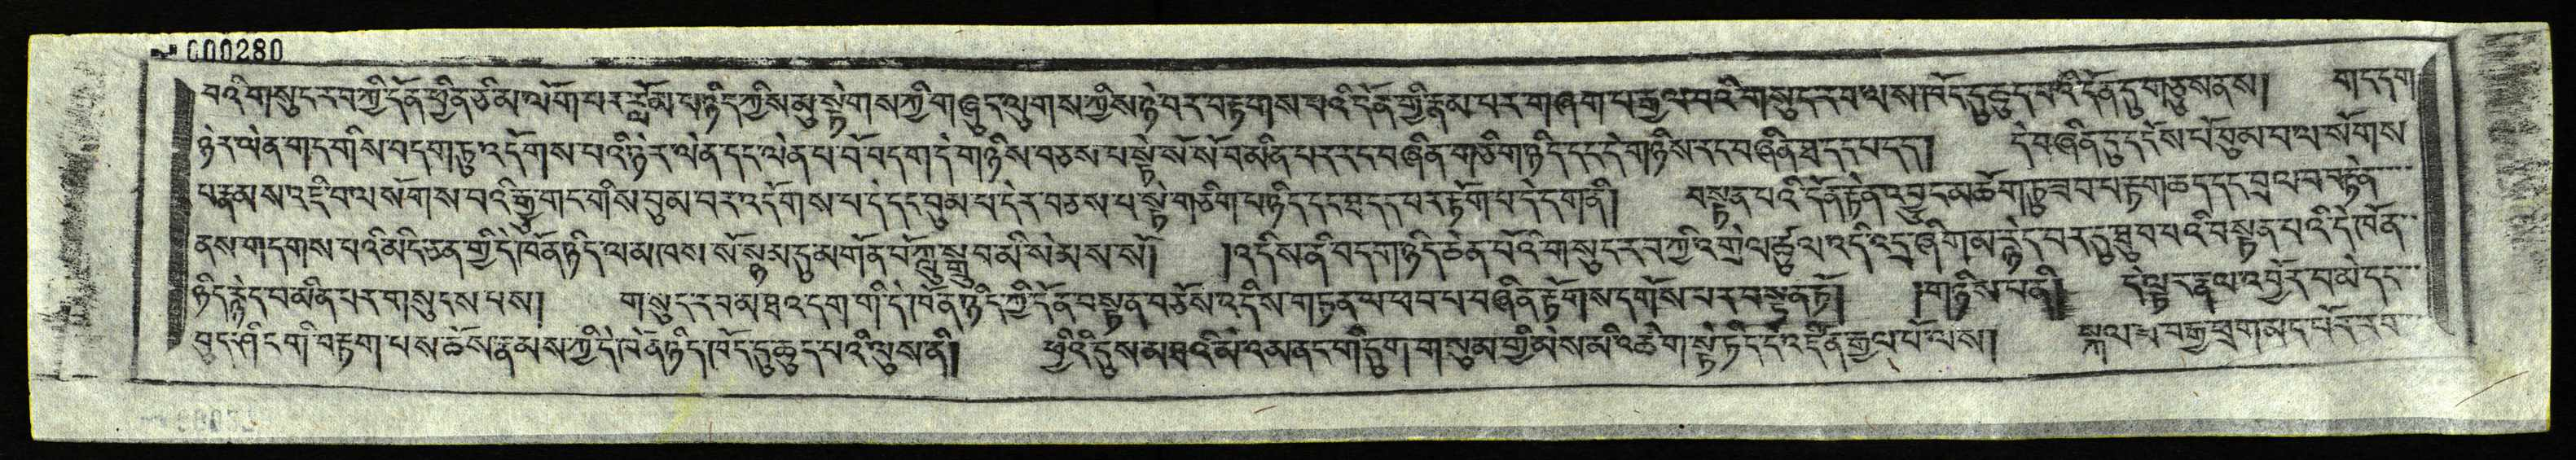བའི་གསུང་རབ་ཀྱི་དོན་ཕྱིན་ཅི་མ་ལོག་པར་རློམ་པ་ཉིད་ཀྱིས་མུ་སྟེགས་ཀྱི་གཞུང་ལུགས་ཀྱིས་ཉེ་བར་བརྟགས་པའི་དོན་གྱི་རྣམ་པར་གཞག་པ་རྒྱལ་བའི་གསུང་རབ་ལས་ཁོང་དུ་ཆུད་པའི་དོན་དུ་གཅུས་ནས། གང་དག་
ཉེར་ལེན་གང་གིས་བདག་ཏུ་འདོགས་པའི་ཉེར་ལེན་དང་ལེན་པ་བོ་བདག་དེ་གཉིས་བཅས་པ་སྟེ་སོ་སོ་བ་མིན་པར་རང་བཞིན་གཅིག་ཉིད་དང་དེ་གཉིས་རང་བཞིན་ཐ་དད་པ་དང་། དེ་བཞིན་དུ་དངོས་པོ་བུམ་པ་ལ་སོགས་
པ་རྣམས་འཇི་བ་ལ་སོགས་པའི་རྒྱུ་གང་གིས་བུམ་བར་འདོགས་པ་དེ་དང་བུམ་པ་དེར་བཅས་པ་སྟེ་གཅིག་པ་ཉིད་དང་ཐ་དད་པར་རྟོག་པ་དེ་དག་ནི། བསྟན་པའི་དོན་རྟེན་འབྱུང་མཆོག་ཏུ་ཟབ་པ་རྟག་ཆད་དང་བྲལ་བ་བརྟེན་
ནས་གདགས་པའི་མིང་ཅན་གྱི་དེ་ཁོ་ན་ཉིད་ལ་མཁས་སོ་སྙམ་དུ་མགོན་པོ་ཀླུ་སྒྲུབ་མི་སེམས་སོ། །འདིས་ནི་བདག་ཉིད་ཆེན་པོའི་གསུང་རབ་ཀྱི་འགྲེལ་ཚུལ་འདི་འདྲ་ཞིག་མ་རྙེད་བར་དུ་ཐུབ་པའི་བསྟན་པའི་དེ་ཁོ་ན་
ཉིད་རྙེད་པ་མིན་པར་གསུངས་པས། གསུང་རབ་མཐའ་དག་གི་དེ་ཁོ་ན་ཉིད་ཀྱི་དོན་བསྟན་བཅོས་འདིས་གཏན་ལ་ཕབ་པ་བཞིན་རྟོགས་དགོས་པར་བསྟན་ཏོ། །གཉིས་པ་ནི། དེ་ལྟར་རྣལ་འབྱོར་བ་མེ་དང་
བུད་ཤིང་གི་བརྟག་པས་ཆོས་རྣམས་ཀྱི་དེ་ཁོ་ན་ཉིད་ཁོང་དུ་ཆུད་པའི་ལུས་ནི། ཕྱིའི་དུས་མཐའི་མེ་འམ་ནང་གི་དུག་གསུམ་གྱི་མེས་མི་འཚིག་སྟེ་ཏིང་ངེ་འཛིན་རྒྱལ་པོ་ལས། སྐལ་པ་བརྒྱ་ཕྲག་མང་པོར་རབ་